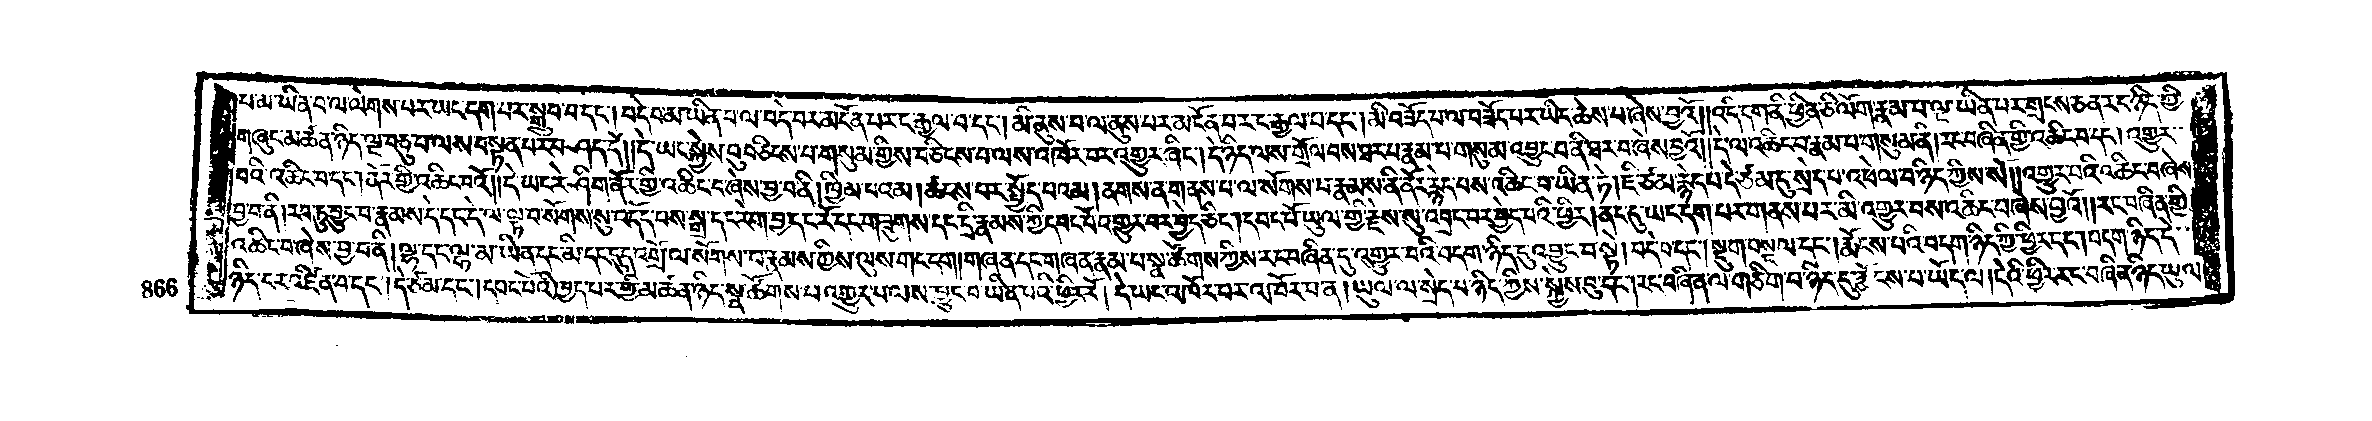པ་མ་ཡིན་པ་ལ་ལེགས་པར་ཡང་དག་པར་སྒྲུབ་བ་དང་། བདེ་བ་མ་ཡིན་པ་ལ་བདེ་བར་མངོན་པར་ང་རྒྱལ་བ་དང་། མི་ནུས་པ་ལ་ནུས་པར་མངོན་པར་ང་རྒྱལ་བ་དང་། མི་བཟོད་པ་ལ་བཟོད་པར་ཡིད་ཆེས་པ་ཞེས་བྱའོ། །འདི་དག་ནི་ཕྱིན་ཅི་ལོག་རྣམ་པ་ལྔ་ཡིན་པར་གྲངས་ཅན་རང་ཉིད་ཀྱི་
གཞུང་མཚན་ཉིད་ལྔ་བཅུ་པ་ལས་བསྟན་པར་བཤད་དོ། །དེ་ཡང་སྐྱེས་བུ་བཅིངས་པ་གསུམ་གྱིས་བཅིངས་པ་ལས་འཁོར་བར་འགྱུར་ཞིང་། དེ་ཉིད་ལས་གྲོལ་བས་ཐར་པ་རྣམ་པ་གསུམ་འབྱུང་བ་ནི་ཐར་བ་ཞེས་བྱའོ། །དེ་ལ་འཆིང་བ་རྣམ་པ་གསུམ་ནི། རང་བཞིན་གྱི་འཆིང་བ་དང་། འགྱུར་
བའི་འཆིང་བ་དང་། ནོར་གྱི་འཆིང་བའོ། །དེ་ཡང་རེ་ཤེག་ནོར་གྱི་འཆིང་བ་ཞེས་བྱ་བ་ནི། ཁྱིམ་པའམ། ཚངས་པར་སྤྱོད་པའམ། ནགས་ན་གནས་པ་ལ་སོགས་པ་རྣམས་ནི་ནོར་རྙེད་པས་འཆིང་བ་ཡིན་ཏེ། ཇི་ཙམ་རྙེད་པ་དེ་ཙམ་དུ་སྲེད་པ་འཕེལ་བ་ཉིད་ཀྱིས་སོ། །འགྱུར་བའི་འཆིང་བ་ཞེས་
བྱ་བ་ནི། རབ་ཏུ་བྱུང་བ་རྣམས་དེ་དང་དེ་ལ་ལྟ་བ་སོགས་སུ་འདོད་པས་སྒྲ་དང་རེག་བྱ་དང་རོ་དང་གཟུགས་དང་དྲི་རྣམས་ཀྱི་དབང་པོ་འགྱུར་བར་བྱེད་ཅིང་། དབང་པོ་ཡུལ་གྱི་རྗེས་སུ་འབྲང་བར་བྱེད་པའི་ཕྱིར། ནང་དུ་ཡང་དག་པར་གནས་པར་མི་འགྱུར་བས་འཆིང་བ་ཞེས་བྱའོ། །རང་བཞིན་གྱི་
འཆིང་བ་ཞེས་བྱ་བ་ནི། ལྷ་དང་ལྷ་མ་ཡིན་དང་མི་དང་དུད་འགྲོ་ལ་སོགས་པ་རྣམས་ཀྱིས་ལུས་གང་དག །གཞན་དང་གཞན་རྣམ་པ་སྣ་ཚོགས་ཀྱིས་རྣག་བཞིན་དུ་འགྱུར་བའི་བདག་ཉིད་དུ་འབྱུང་བ་སྟེ། བདེ་བ་དང་། སྡུག་བསྔལ་དང་། རྨོངས་པའི་བདག་ཉིད་ཀྱི་ཕྱིར་དང་། བདག་ཉིད་དེ་
ཉིད་ངར་འཛིན་བ་དང་། དེ་ཙམ་དང་། དབང་པོའི་ཁྱད་པར་གྱི་མཚན་ཉིད་སྣ་ཚོགས་པ་འགྱུར་པ་ལས་བྱུང་བ་ཡིན་པའི་ཕྱིར་རོ། དེ་ཡང་འཁོར་བར་འཁོར་བ་ན། ཡུལ་ལ་སྲེད་པ་ཉིད་ཀྱིས་སྐྱེས་བུ་དང་། རང་བཞིན་ལ་གཅིག་པ་ཉིད་དུ་རྨོངས་པ་ཡོད་ལ། དེའི་ཕྱིར་རང་བཞིན་ཉིད་ཡུ་